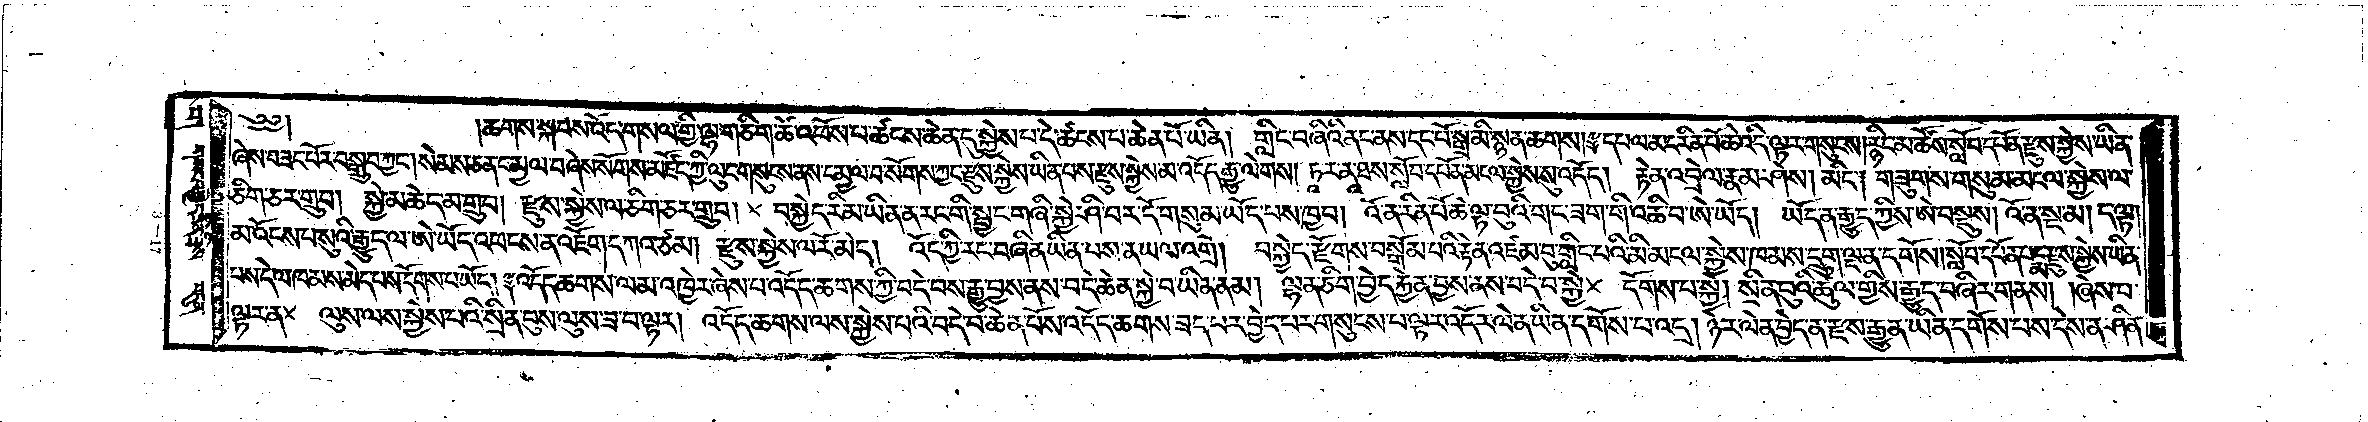༄༅། །ཆགས་སྐབས་འོད་གསལ་གྱི་ལྷ་གཅིག་ཚེ་འཕོས་པ་ཚངས་ཆེན་དུ་སྐྱེས་པ་དེ་ཚངས་པ་ཆེན་པོ་ཡིན། གླིང་བཞིའི་ནང་ནས་དང་པོ་སྒྲ་མི་སྙན་ཆགས། ༈ དཔལ་མང་རིན་པོ་ཆེ་འདི་ལྟར་གསུངས། རྙིང་མ་ཚོས་སློབ་དཔོན་རྫུས་སྐྱེས་ཡིན་
ཞེས་བཟང་པོར་བསྒྲུབ་ཀྱང་།སེམས་ཅན་དམྱལ་བ་ཞེས་སོགས་མཛོད་ཀྱི་ལུང་གསུངས་ནས་དམྱལ་བ་སོགས་ཀྱང་རྫུས་སྐྱེས་ཡིན་པས་རྫུས་སྐྱེས་མ་འདོད་རྒྱུ་ལེགས། ཏཱ་ར་ནཱ་ཐས་སློབ་དཔོན་མངལ་སྐྱེས་སུ་འདོད། རྟེན་འབྲེལ་རྣམ་ཤེས། མིང་། གཟུགས་གསུམ་མངལ་སྐྱེས་ལ་
ཅིག་ཅར་གྲུབ། སྐྱེ་མཆེད་མ་གྲུབ། རྫུས་སྐྱེས་ལ་ཅིག་ཅར་གྲུབ། ྾་བསྐྱེད་རིམ་ཡིན་ན་རང་གི་སྦྱང་གཞི་སྐྱེ་ཤི་བར་དོ་གསུམ་ཡོད་པས་ཁྱབ། འོ་ན་རིན་པོ་ཆེ་ལྟ་བུའི་གང་ཟག་གི་འཆི་བ་ཨེ་ཡོད། ཡོད་ན་རྒྱུད་ཀྱིས་ཨེ་བསྡུས། འོ་ན་སྔ་མ། ད་ལྟ།
མ་འོངས་པ་སུའི་རྒྱུད་ལ་ཨེ་ཡོད་འཕངས་ན་འཇོག་དཀའ་ཙམ། རྫུས་སྐྱེས་ལ་རོ་མེད། འོད་ཀྱི་རང་བཞིན་ཡིན་པས་ན་ཡལ་འགྲོ། བསྐྱེད་རྫོགས་བསྒོམ་པའི་རྟེན་འཛམ་བུ་གླིང་པའི་མི་མངལ་སྐྱེས་ཁམས་དྲུག་ལྡན་དགོས་།སློབ་དཔོན་པདམ་རྫུས་སྐྱེས་ཡིན་
པས་དེ་ལ་ཁམས་མེད་པས་དོགས་པ་ཡོད། ༈ འདོད་ཆགས་ལམ་འཁྱེར་ཞེས་པ་འདོད་ཆགས་ཀྱི་བདེ་བས་རྒྱུ་བྱས་ནས་བདེ་ཆེན་སྐྱེ་བ་ཡིན་ནམ། ལྷན་ཅིག་བྱེད་རྐྱེན་བྱས་ནས་བདེ་བ་སྐྱེ་྾་དོགས་པ་སྐྱོ། སྲིན་བུའི་ཚུལ་གྱིས་རྒྱུད་བཞིར་གནས། །ཞེས་པ་
ལྟར་ན་྾་ལུས་ལས་སྐྱེས་པའི་སྲིན་བུས་ལུས་ཟ་བ་ལྟར། འདོད་ཆགས་ལས་སྐྱེས་པའི་བདེ་བ་ཆེན་པོས་འདོད་ཆགས་ཟད་པར་བྱེད་པར་གསུངས་པ་ལྟར་འདོར་ལེན་ཡིན་དགོས་པ་འདྲ། ཉེར་ལེན་བྱེད་ན་རྫས་རྒྱུན་ཡིན་དགོས་པས་དེས་ན་ཤིན་